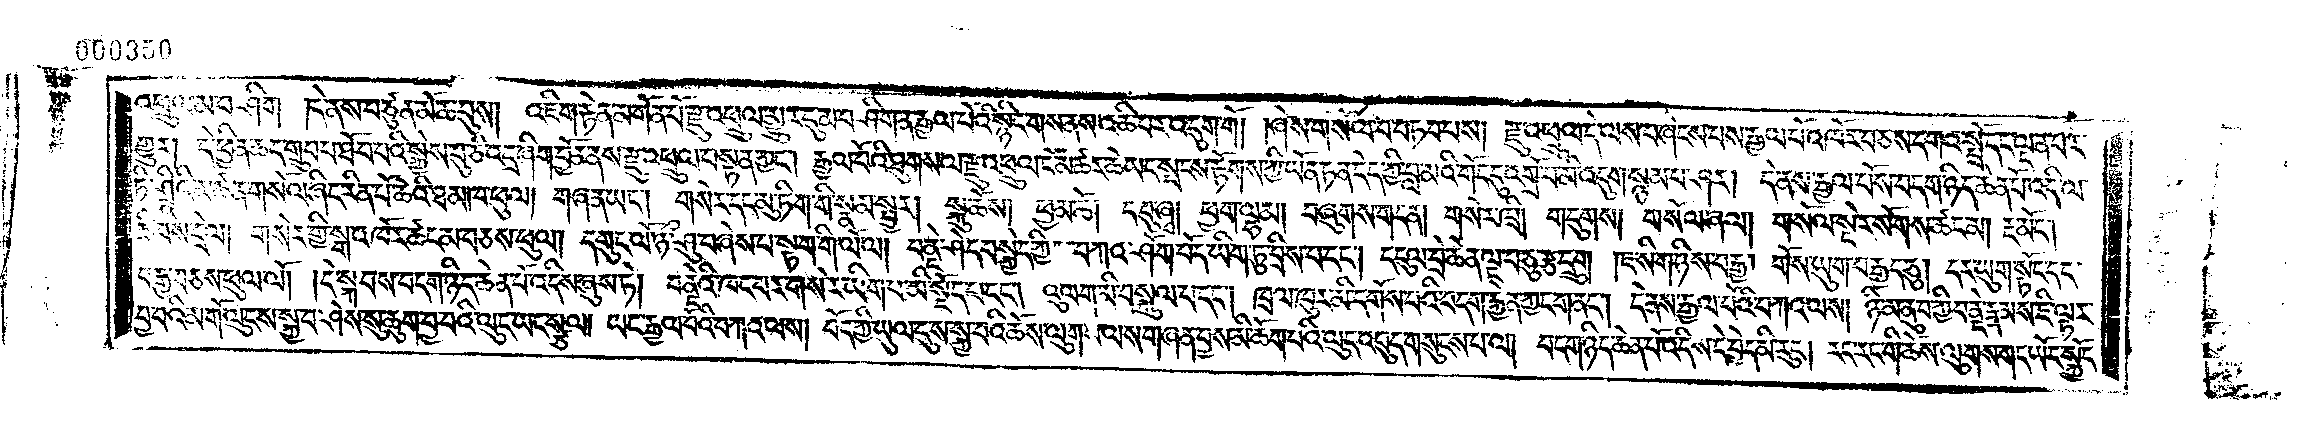འཕྲུལ་མ་བཤིག །དེ་ནས་བཙུན་མོ་ཆ་བུས། འཇིག་རྟེན་མགོན་པོ་རྫུ་འཕྲུལ་མྱུར་དུ་མ་བཤིག་ན་རྒྱལ་པོའི་སྙིང་གས་ནས་འཆི་བར་འདུག་གོ། །ཞེས་གསོལ་བ་བཏབ་པས། རྫུ་འཕྲུལ་དེ་ལས་བཞེངས་པས་རྒྱལ་པོ་འཁོར་བཅས་དགའ་སྤྲོ་དང་ལྡན་པར་
གྱུར། དེ་ཕྱིན་ཆད་གྲུབ་པ་ཐོབ་པའི་སྐྱེས་བུ་ཅི་འདྲ་ཞིག་བྱོན་ནས་རྫུ་འཕྲུལ་བསྟན་ཀྱང་། རྒྱལ་པོའི་ཐུགས་ལ་རྫུ་འཕྲུལ་ངོ་མཚར་ཆེ་ཡང་སྤངས་རྟོགས་ཀྱི་ཡོན་ཏན་དེད་ཀྱི་བླ་མའི་གོང་དུ་འགྲོ་བ་མི་འདུག་སྙམས་ཤར། དེ་ནས་རྒྱལ་པོས་བདག་ཉིད་ཆེན་པོ་འདི་ལ་
ཏི་ཤྲཱིའི་མཚན་གསོལ་ཞིང་རིན་པོ་ཆེའི་ཐམ་ཁ་ཕུལ། གཞན་ཡང་། གསེར་དང་མུ་ཏིག་གི་སྣམ་སྦྱར། སྐུ་ཆོས། ཕྱ་མཚེ། དབུ་ཞྭ། ཕྱག་ལྷ་མ། བཞུགས་གདན། གསེར་ཁྲི། གདུགས། གསོལ་ཞལ། གསོལ་སྡེར་སོགས་ཚང་མ། རྡ་མོད།
ཆིབས་དྲེལ། གསེར་གྱི་སྒ་འཁོར་ཚང་མ་བཅས་ཕུལ། དགུང་ལོ་ཉྀ་ཤུ་བཤེས་པ་སྟག་གི་ལོ་ལ། བནྡེ་ཤེད་བསྐྱེད་ཀྱི་བཀའ་ཤོག་བོད་ཡིག་ཏུ་བྲིས་པ་དང་། དངུལ་བྲེ་ཆེན་ལྔ་བཅུ་རྩ་དྲུག །ཇ་སི་གཉིས་བརྒྱ། གོས་ཡུག་བརྒྱད་ཅུ། དར་ཡུག་སྟོང་དང་
བརྒྱ་བཅས་ཕུལ་ལོ། །དེ་སྐབས་བདག་ཉིད་ཆེན་པོ་འདིས་ཞུས་ཏེ། བནྡེའི་ཁང་པར་གསེར་ཡིག་པ་མི་སྡོད་པ་དང་། འུ་ལག་མི་བསྐུལ་བ་དང་། ཁྲལ་ཁུར་མི་དགོས་པའི་བདག་རྐྱེན་ཀྱང་གནང་། དེ་ནས་རྒྱལ་པོའི་བཀའ་ལས། ཉི་མ་ནུབ་ཀྱི་བནྡེ་རྣམས་ཇི་ལྟར་
བྱ་བའི་མགོ་ལུངས་སྐྱ་པ་ཤེས་སུ་ཆུག་བྱ་བའི་ལུང་ཡང་སྩལ། ཡང་རྒྱལ་བའི་བཀའ་ལས། བོད་ཀྱི་ཡུལ་དུས་སྐྱ་བའི་ཆོས་ལུགས་ལས་གཞན་བྱས་མི་ཆོག་པའི་ལུད་འབུད་གསུངས་པ་ལ། བདག་ཉིད་ཆེན་པོ་འདིས་དེ་བྱེད་མི་རུང་། རང་རང་གི་ཆོས་ལུགས་གང་ཡོང་སྐྱོང་